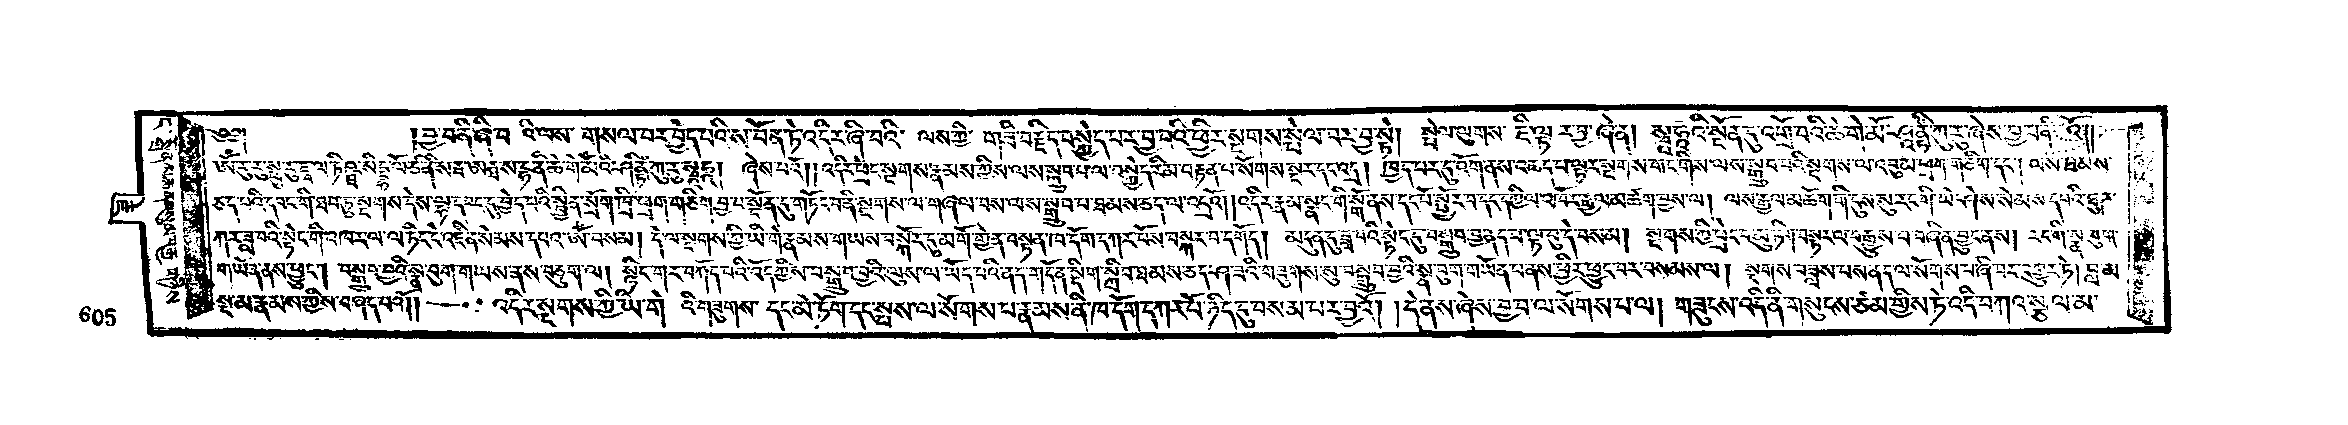༄༅། །བྱ་བ་ནི་ཞི་བའི་ལས་གསལ་བར་བྱེད་པའི་ས་བོན་ཏེ་འདིར་ཞི་བར་ལས་ཀྱི་གཟི་བརྗིད་བསྐྱེད་པར་བྱ་བའི་ཕྱིར་སྔགས་སྤེལ་བར་བྱ་སྟེ། སྤེལ་ལུགས་ཇི་ལྟར་བྱ་ཞེ་ན། སྭཱ་ཧཱའི་སྔོན་དུ་འགྲོ་བའི་ཆེ་གེ་མོ་ཤཱནྟིཾ་ཀུ་རུ་ཞེས་བྱ་བ་ནི་འོ། །
ཨོཾ་རུ་རུ་སྥུ་རུ་ཛྭ་ལ་ཏི་ཥཊཿཨ་སིདྡྷ་ལོ་ཙ་ནི་སརྦ་ཨརྠ་ས་དྷ་ནི་ཆེ་གེ་མོའི་ཤནྟིཾ་ཀུ་རུ་སྭཱ་ཧཱ། ཞེས་པའོ། །འདིར་ཕྲེང་སྔགས་རྣམས་ཀྱིས་ལས་སྒྲུབ་པ་ལ་བསྐྱེད་རིམ་བརྟན་པ་སོགས་སྔར་དང་འདྲ། ཁྱད་པར་དུ་འོག་ནས་འཆད་པ་ལྟར་སྔགས་གང་གིས་ལས་སྒྲུབ་པའི་སྔགས་ལ་འབུམ་ཕྲག་གཅིག་དང་། ལས་ཐམས་
ཅད་པའི་དབང་གི་ཐབ་ཏུ་སྔགས་དེས་ལྷ་དབང་དུ་བྱེད་པའི་སྦྱིན་སྲེག་ཁྲི་ཕྲག་གཅིག་བྱ་བ་སྔོན་དུ་གཏོང་བ་ནི་སྔགས་ལ་གཞོལ་བས་ལས་སྒྲུབ་པ་ཐམས་ཅད་ལ་འདྲའོ། །འདིར་རྣམ་སྣང་གི་སྒོ་ནས་དང་པོ་སྦྱོར་བ་དང་དཀྱིལ་འཁོར་རྒྱལ་མཆོག་བྱས་ལ། ལས་རྒྱལ་མཆོག་གི་དུས་སུ་རང་གི་ཡེ་ཤེས་སེམས་དཔའི་ཐུགས་
ཀར་ཟླ་བའི་སྟེང་གི་འཁར་ལ་ལ་ཏིང་ངེ་འཛིན་སེམས་དཔའ་ཨོཾ་བསམ། དེ་ལ་སྔགས་ཀྱི་ཡི་གེ་རྣམས་གཡས་བསྐོར་དུ་མགོ་གྱེན་བསྟན་ཁ་དོག་དཀར་པོས་བསྐོར་བ་དགོད། མདུན་དུ་ཟླ་བའི་སྟེང་དུ་བསྒྲུབ་བྱ་ནད་པ་ལྟ་བུ་དེ་བསམ། བསྔགས་ཀྱི་ཕྲེང་བ་མུ་ཏིག་བསྟེར་ལ་བརྒྱུས་པ་བཞིན་བྱུང་ནས། རང་གི་སྣ་བུག་
གཡོན་ནས་ཕྱུང་། བསྒྲུབ་བྱའི་སྣ་བུག་གཡས་ནས་བཅུག་ལ། སྙིང་གར་བཀོད་པའི་འོད་ཀྱིས་བསྒྲུབ་བྱའི་ལུས་ལ་ཡོད་པའི་ནད་གདོན་སྡིག་སྒྲིབ་ཐམས་ཅད་ཤ་ཟའི་གཟུགས་སུ་བསྒྲུབ་བྱའི་སྣ་བུག་གཡོན་པ་ནས་ཕྱིར་ཕྱུང་བར་བསམས་ལ། སྔགས་བཟླས་པས་ནད་ལ་སོགས་པ་ཞི་བར་འགྱུར་ཏེ། བླ་མ་
སྔ་མ་རྣམས་ཀྱིས་བཞེད་པའོ།། འདིར་སྔགས་ཀྱི་ཡི་གེའི་གཟུགས་དང་མེ་ཏོག་དང་སྤོས་ལ་སོགས་པ་རྣམས་ནི་ཁ་དོག་དཀར་པོ་ཉིད་དུ་བསམ་པར་བྱའོ། །དེ་ནས་ཞེས་བྱ་བ་ལ་སོགས་པ་ལ། གཟུངས་འདི་ནི་གསུངས་ཙམ་གྱིས་ཏེ་འདི་བཀའ་སྩལ་མ་